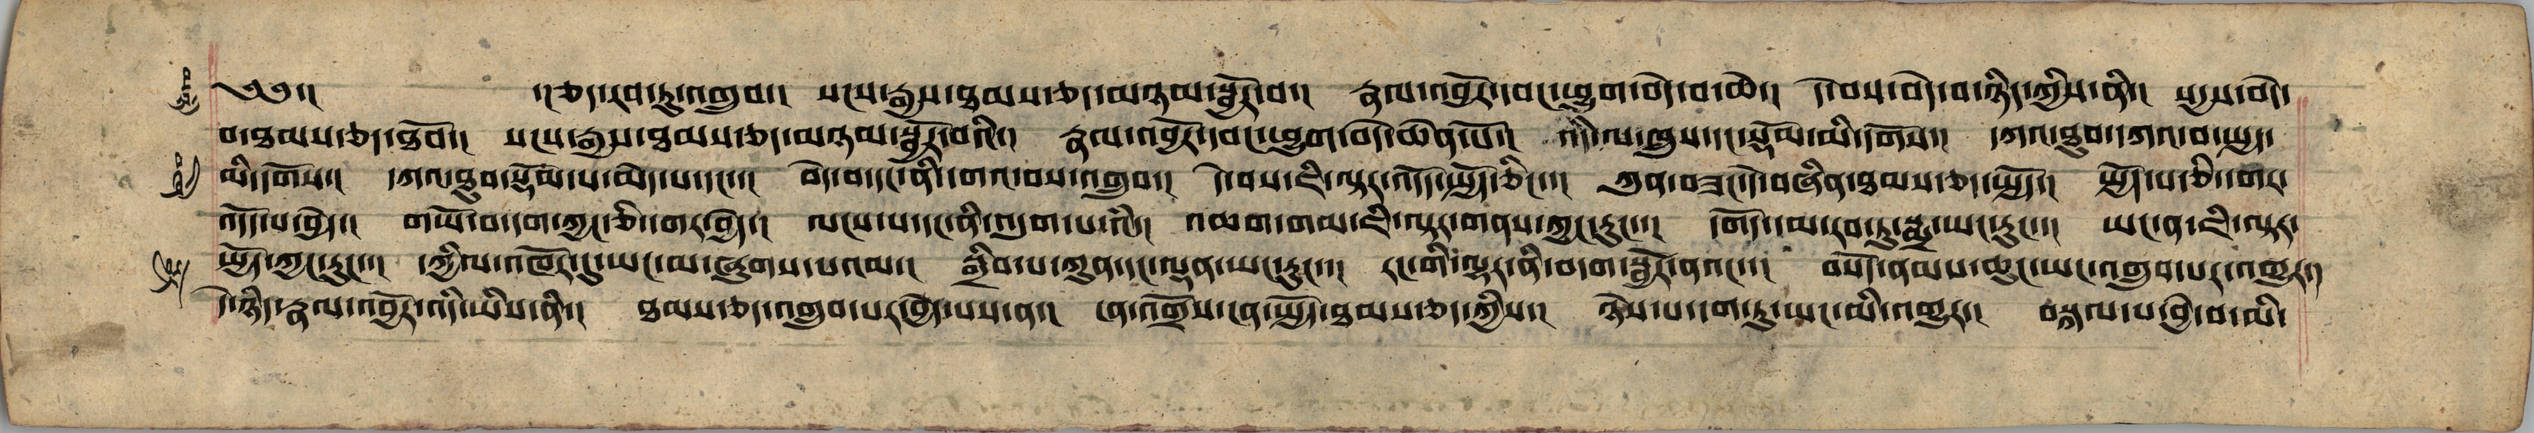༄༅་། ་།ཅད་རབ་ཏུ་འགྲུབ་། སངས་རྒྱས་ཐམས་ཅད་མཉམ་སྦྱོར་བ་། རྣལ་འབྱོར་དབང་ཕྱུག་བདེ་བ་ཆེ་། དེ་བས་བདེ་བ་ཉིད་ཀྱིས་ནི་། སདྱས་བདེ་
བ་ཐམས་ཅད་ཐོབ་། སངས་རྒྱས་ཐམས་ཅད་མཉམ་སྦྱོར་བའི་། རྣལ་འབྱོར་དབང་ཕྱུག་བདེ་ཆེན་པོ་། འདི་ལ་ཁྲུས་དང་སྡོམ་མི་དགོས་། དཀའ་ཐུབ་དཀའ་བ་སྤྱད་
མི་དགོས་། དཀའ་ཐུབ་སྡོམ་པ་མེད་པ་དང་་། བདེ་བ་དང་ནི་དགའ་བས་འགྲུབ་། དེ་བས་ཇི་ལྟར་འདོད་སྤྱོད་ཅིང་་། ཀུན་བཟང་དེ་བཞིན་ཐམས་ཅད་སྤྱོད་། སྤྱོད་པ་ཅི་དགར་
འདོད་པ་བྱེད་། གཡོ་བ་དག་ཀྱང་ཅི་དགར་བྱྱེད་། ལངས་པ་དང་ནི་འདུག་པ་འཾ་། འཆག་གམ་ཇི་ལྟར་གནས་ཀྱང་རུང་་། དགོད་དམ་རབ་རུ་སྨྲ་ཡང་རུང་་། ཡང་ན་ཇི་ལྟར་
སྤྱོད་ཀྱང་རུང་་། དཀྱིལ་འཁོར་དུ་ཡང་མ་ཞུགས་པའམ་། སྒྲིབ་པ་ཀུན་དང་ལྡན་ཡང་རུང་་། རང་གི་ལྷར་ནི་བདག་སྦྱོར་ནའང་་། བསོད་ནམས་ཆུང་ཡང་འགྲུབ་པར་འགྱུར་།
དེ་ཉིད་རྣལ་འབྱོར་འདི་ཡིས་ནི་། ཐམས་ཅད་འགྲུབ་པར་བྱེད་པས་ན་། ངན་འགྲོས་ངན་སྤྱོད་ཐམས་ཅད་ཀྱིས་། ཉེས་པ་དག་ཏུ་ཡང་མི་འགྱུར་། བསྐལ་པ་བྱེ་བ་མི་